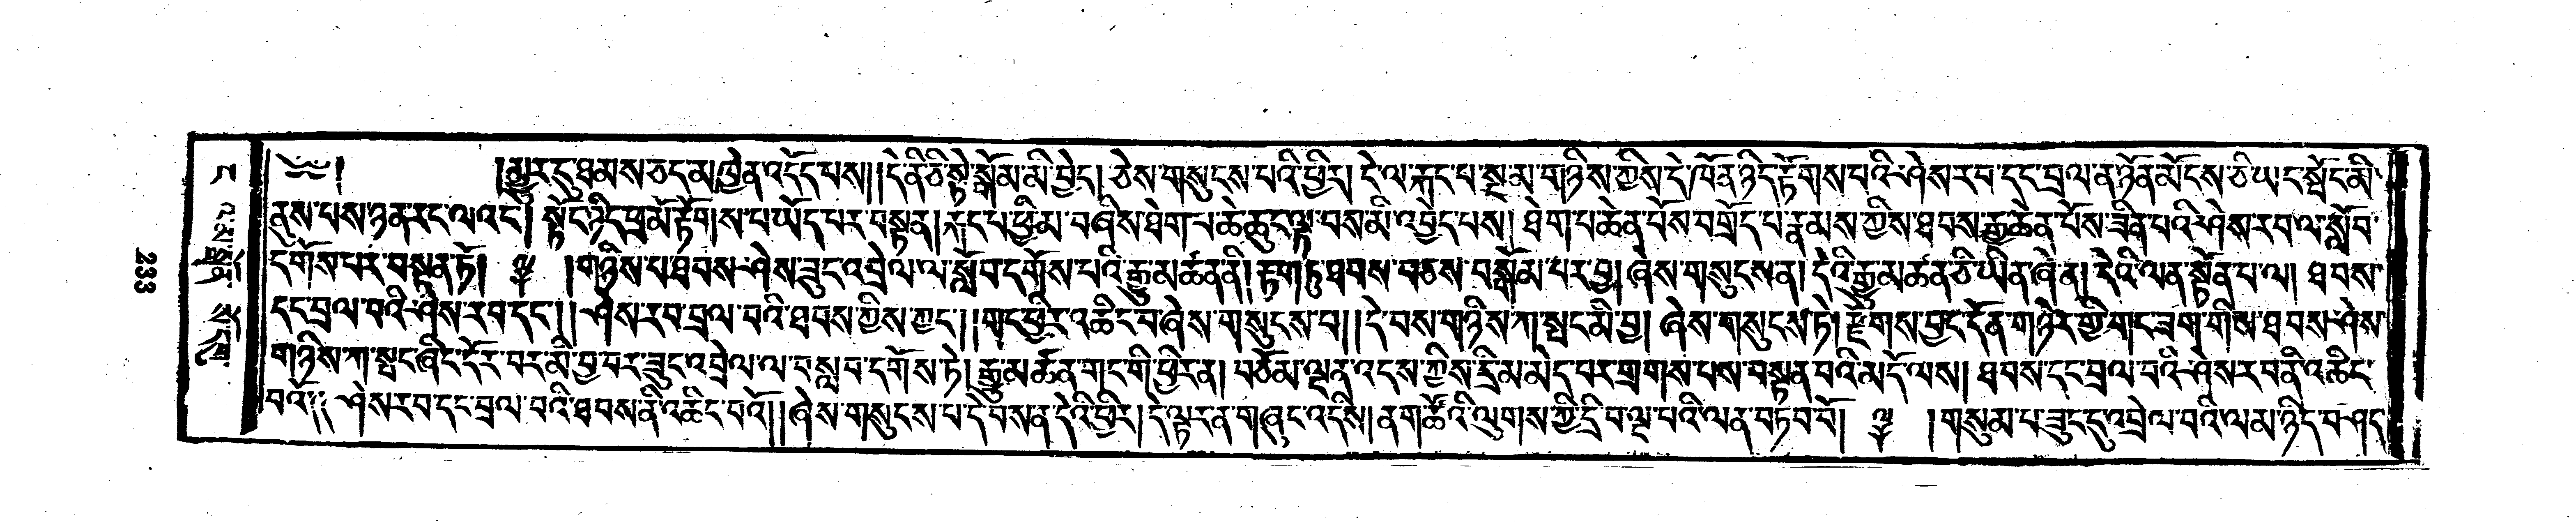༄༅། །མྱུར་དུ་ཐམས་ཅད་མཁྱེན་འདོད་པས། །དེ་ནི་ཅི་སྟེ་སྒོམ་མི་བྱེད། ཅེས་གསུངས་པའི་ཕྱིར། དེ་ལ་རྐང་པ་སྔ་མ་གཉིས་ཀྱིས་དེ་ཁོ་ན་ཉིད་རྟོགས་པའི་ཤེས་རབ་དང་བྲལ་ན་ཉོན་མོངས་ཅི་ཡང་སྤོང་མི་
ནུས་པས་ཉན་རང་ལའང་། སྟོང་ཉིད་ཕྲ་མོ་རྟོགས་པ་ཡོད་པར་བསྟན། རྐང་པ་ཕྱི་མ་བཞིས་ཐེག་པ་ཆེ་ཆུང་ལྟ་བས་མི་འབྱེད་པས། ཐེག་པ་ཆེན་པོས་བགྲོད་པ་རྣམས་ཀྱིས་ཐབས་རྒྱ་ཆེན་པོས་ཟིན་པའི་ཤེས་རབ་ལ་སློབ་
དགོས་པར་བསྟན་ཏོ། ༈ །གཉིས་པ་ཐབས་ཤེས་ཟུང་འབྲེལ་ལ་སློབ་དགོས་པའི་རྒྱུ་མཚན་ནི། རྟག་ཏུ་ཐབས་བཅས་བསྒོམ་པར་བྱ། ཞེས་གསུངས་ན། དེའི་རྒྱུ་མཚན་ཅི་ཡིན་ཞེ་ན། དེའི་ལན་སྟོན་པ་ལ། ཐབས་
དང་བྲལ་བའི་ཤེས་རབ་དང་། །ཤེས་རབ་བྲལ་བའི་ཐབས་ཀྱིས་ཀྱང་། །གང་ཕྱིར་འཆིང་བ་ཞེས་གསུངས་པ། །དེ་བས་གཉིས་ཀ་སྤང་མི་བྱ། ཞེས་གསུངས་ཏེ། རྫོགས་བྱང་དོན་གཉེར་གྱི་གང་ཟག་གིས་ཐབས་ཤེས་
གཉིས་ཀ་སྤང་ཞིང་དོར་བར་མི་བྱ་བར་ཟུང་འབྲེལ་ལ་བསླབ་དགོས་ཏེ། རྒྱུ་མཚན་གང་གི་ཕྱིར་ན། བཅོམ་ལྡན་འདས་ཀྱིས་དྲི་མ་མེད་པར་གྲགས་པས་བསྟན་པའི་མདོ་ལས། ཐབས་དང་བྲལ་བའི་ཤེས་རབ་ནི་འཆིང་
བའོ། །ཤེས་རབ་དང་བྲལ་བའི་ཐབས་ནི་འཆིང་བའོ། །ཞེས་གསུངས་པ་དེ་བས་ན་དེའི་ཕྱིར། དེ་ལྟར་ན་གཞུང་འདིས། ནག་ཚོའི་ལུགས་ཀྱི་དྲི་བ་ལྔ་པའི་ལན་བཏབ་བོ། ༈ །གསུམ་པ་ཟུང་དུ་འབྲེལ་བའི་ལམ་ཉིད་བཤད་